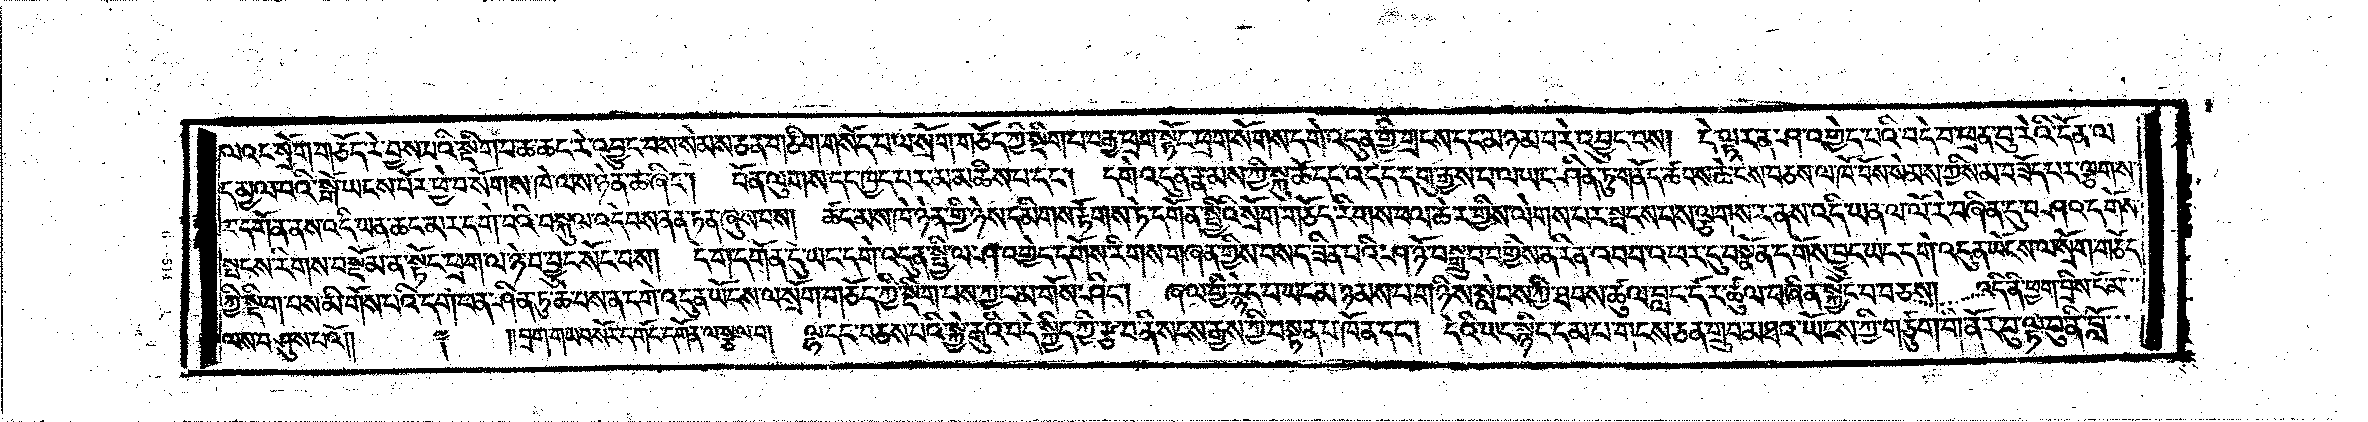ལའང་སྲོག་གཅོད་རེ་བྱས་པའི་སྡིག་པ་ཆ་ཆང་རེ་འབྱུང་བས་སེམས་ཅན་གཅིག་གསོད་པ་ལ་སྲོག་གཅོད་ཀྱི་སྡིག་པ་བརྒྱ་ཕྲག་སྟོང་ཕྲག་སོགས་དགེ་འདུན་གྱི་གྲངས་དང་མཉམ་པ་རེ་འབྱུང་བས། དེ་ལྟར་ན་ཤ་འགྱེད་པའི་བདེ་བ་ཕྲན་བུ་རེའི་དོན་ལ་
དམྱལ་བའི་སྒོ་ཡངས་བོར་ཕྱེ་བ་སོགས་ཁེ་ལས་ཆེན་ཆ་ཞིང་། བོན་ལུགས་དང་ཁྱད་པར་མ་མཆིས་པ་དང་། དགེ་འདུན་རྣམས་ཀྱི་སྐུ་ཚེ་དང་འདོད་དགུ་རྒྱས་པ་ལ་ཡང་ཤིན་ཏུ་གནོད་ཚབས་ཆེ་ངས་བཅས་ལ་ཁོ་བོས་སེམས་ཀྱིས་མ་བཟོད་པར་ལྕགས་
བ་དགོན་ནས་འདི་ཡན་ཆད་མར་དགེ་བའི་བསྐུལ་འདེབས་ནན་ཏན་ཞུས་པས། ཚང་མས་ཁྱེན་ཉེན་གྱི་ཉེས་དམིགས་རྟོགས་ཏེ་དགོན་སྤྱིའི་སྲོག་གཅོད་རིགས་ཕལ་ཆེར་གྱིས་ལེགས་པར་སྤངས་བས་ལྕགས་ར་ནས་འདི་ཡན་ལ་ལོ་རེ་བཞིན་དུ་བཤད་དགོས་
སྤངས་རིགས་བསྡོམ་ན་སྟོང་ཕྲག་ལ་ཉེ་བ་བྱུང་སོང་བས། དེ་ག་དགོན་དུ་ཡང་དགེ་འདུན་སྤྱི་ལ་སྤྱི་ལ་ཤ་འགྱེད་དགོས་རིགས་གཞན་གྱིས་བསད་ཟིན་པའི་ཤ་ཉོ་བསྒྲུབ་བགྱིས་ན་རིན་འབབ་འཕར་དུ་བསྣོན་དགོས་བྱུང་ཡང་དགེ་འདུན་ཡོངས་ལ་སྲོག་གཅོད་
ཀྱི་སྡིག་པས་མི་གོས་པའི་དགེ་ཕན་ཤིན་ཏུ་ཆེ་བས་ན་དགེ་འདུན་ཡོངས་ལ་སྲོག་གཅོད་ཀྱི་སྡིག་པས་ཀྱང་མ་གོས་ཤིང་། ཞལ་གྱི་རྙེད་པ་ཡང་མ་ཉམས་པ་གཉིས་སླེབས་ཀྱི་ཐབས་ཚུལ་བླང་དོར་ཚུལ་བཞིན་སྐྱོང་བ་བཅས། འདི་ནི་ཕྱག་བྲིས་ངོམ་
ལས་བཤུས་པའོ།། ༈ །།བྲག་གཡབ་སོར་དགོང་དགོན་ལ་སྩལ་བ། ལྷ་དང་བཅས་པའི་སྐྱེ་རྒུའི་བདེ་སྐྱིད་ཀྱི་རྩ་བ་ནི་སངས་རྒྱས་ཀྱི་བསྟན་པ་ཁོ་ན་དང་། དེའི་ཡང་སྙིང་དམ་པ་གངས་ཅན་གྲུབ་མཐའ་ཡོངས་ཀྱི་གཙུག་གི་ནོར་བུ་ལྟ་བུ་ནི་བློ་